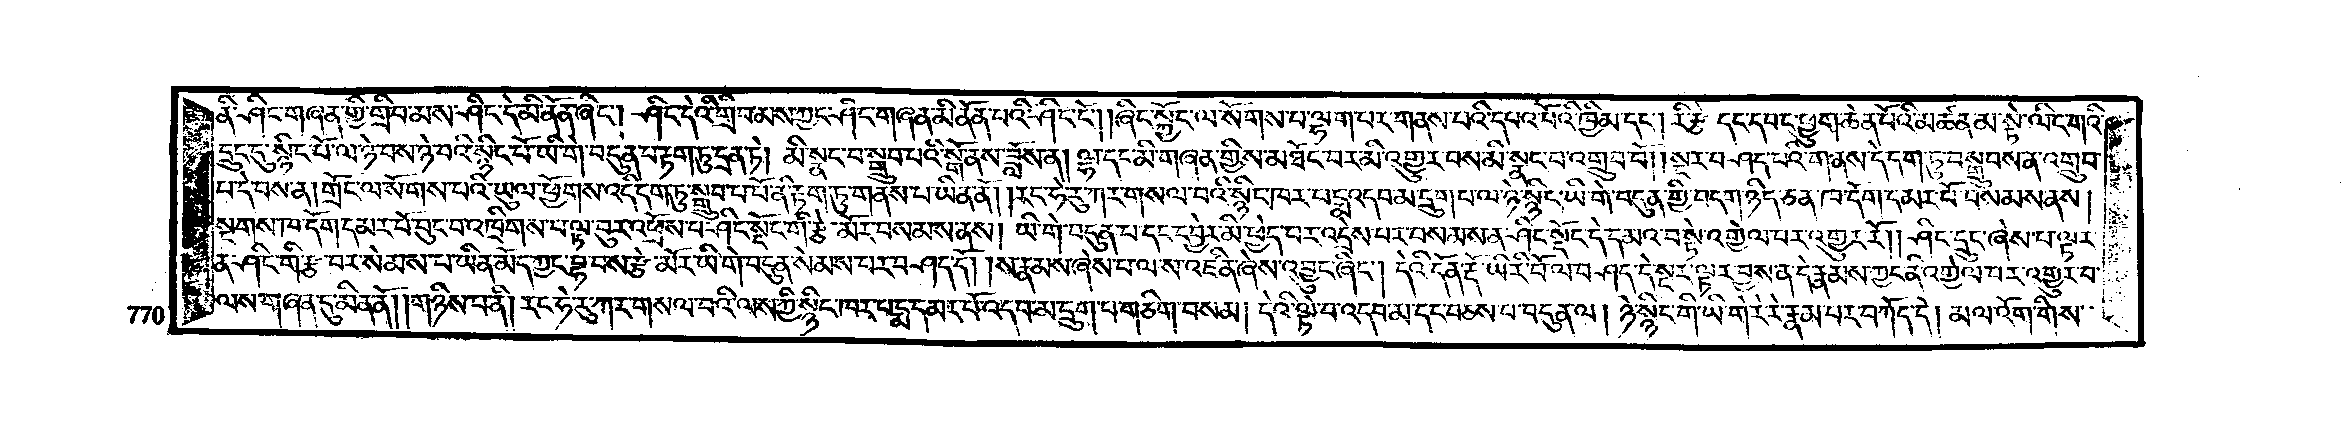ནི་ཤིང་གཞན་གྱི་གྲིབ་མས་ཤིང་དེ་མི་ནོན་ཞིང་། ཤིང་དེའི་གྲིབ་མས་ཀྱང་ཤིང་གཞན་མི་ནོན་པའི་ཤིང་ངོ། །ཞིང་སྐྱོང་ལ་སོགས་པ་ལྷག་པར་གནས་པའི་དཔའ་བོའི་ཁྱིམ་དང་། རི་རྩེ་དང་དབང་ཕྱུག་ཆེན་པོའི་མཚན་མ་སྟེ་ལིང་གའི་
དྲུང་དུ་སྙིང་པོ་ལ་ཉེ་བས་ཉེ་བའི་སྙིང་པོ་ཡི་གེ་བདུན་པ་རྟག་ཏུ་དྲན་ཏེ། མི་སྣང་བ་སྒྲུབ་པའི་སྒོ་ནས་ཟློས་ན། ལྷ་དང་མི་གཞན་གྱིས་མཐོང་བར་མི་འགྱུར་བས་མི་སྣང་བ་འགྲུབ་བོ། །སྔར་བཤད་པའི་གནས་དེ་དག་ཏུ་བསྒྲུབས་ན་འགྲུབ་
པ་དེ་བས་ན། གྲེང་ལ་སོགས་པའི་ཡུལ་ཕྱོགས་འདི་དག་ཏུ་སྒྲུབ་པ་པོ་ནི་རྟག་ཏུ་གནས་པ་ཡིན་ནོ། །རང་ཧེ་རུ་ཀར་གསལ་བའི་སྙིང་ཁར་པདམ་འདབ་མ་དྲུག་པ་ལ་ཉེ་སྙིང་ཡི་གེ་བདུན་གྱི་བདག་ཉིད་ཅན་ཁ་དོག་དམར་པོ་བསམས་ནས།
སྔགས་ཁ་དོག་དམར་པོ་བུང་བ་འཁྲིགས་པ་ལྟ་བུར་འཕྲོས་པ་ཤིང་སྡོང་གི་རྩེ་མོར་བསམས་ནས། ཡི་གེ་བདུན་པ་དང་དབྱེར་མི་ཕྱེད་པར་འདྲེས་པར་བསམས་ན་ཤིང་སྡོང་དེ་དམའ་བ་སྟེ་འགྱེལ་བར་འགྱུར་རོ། །ཤིང་དྲུང་ཞེས་པ་ལྟར་
ན་ཤིང་གི་རྩ་བར་སེམས་པ་ཡིན་མོད་ཀྱང་བྷ་བས་རྩེ་མོར་ཡི་གེ་བདུན་སེམས་པར་བཤད་དོ། །ས་རྣམས་ཞེས་པ་ལ་ས་འཛིན་ཞེས་འབྱུང་ཞིང་། དེའི་དོན་རྡོ་ཡི་རི་བོ་ལ་བཤད་དེ་སྔར་ལྟར་བྱས་ན་དེ་རྣམས་ཀྱང་ནི་འགྱེལ་བར་འགྱུར་བ་
ལས་གཞན་དུ་མིན་ནོ། །གཉིས་པ་ནི། རང་ཧེ་རུ་ཀར་གསལ་བའི་ལས་ཀྱི་སྙིང་ཁར་པདམ་དམར་པོ་འདབ་མ་དྲུག་པ་གཅིག་བསམ། དེའི་ལྟེ་བ་འདབ་མ་དང་བཅས་པ་བདུན་ལ། ཉེ་སྙིང་གི་ཡི་གེ་རེ་རེ་རྣམ་པར་བཀོད་དེ། མལ་འོག་གི་ས་